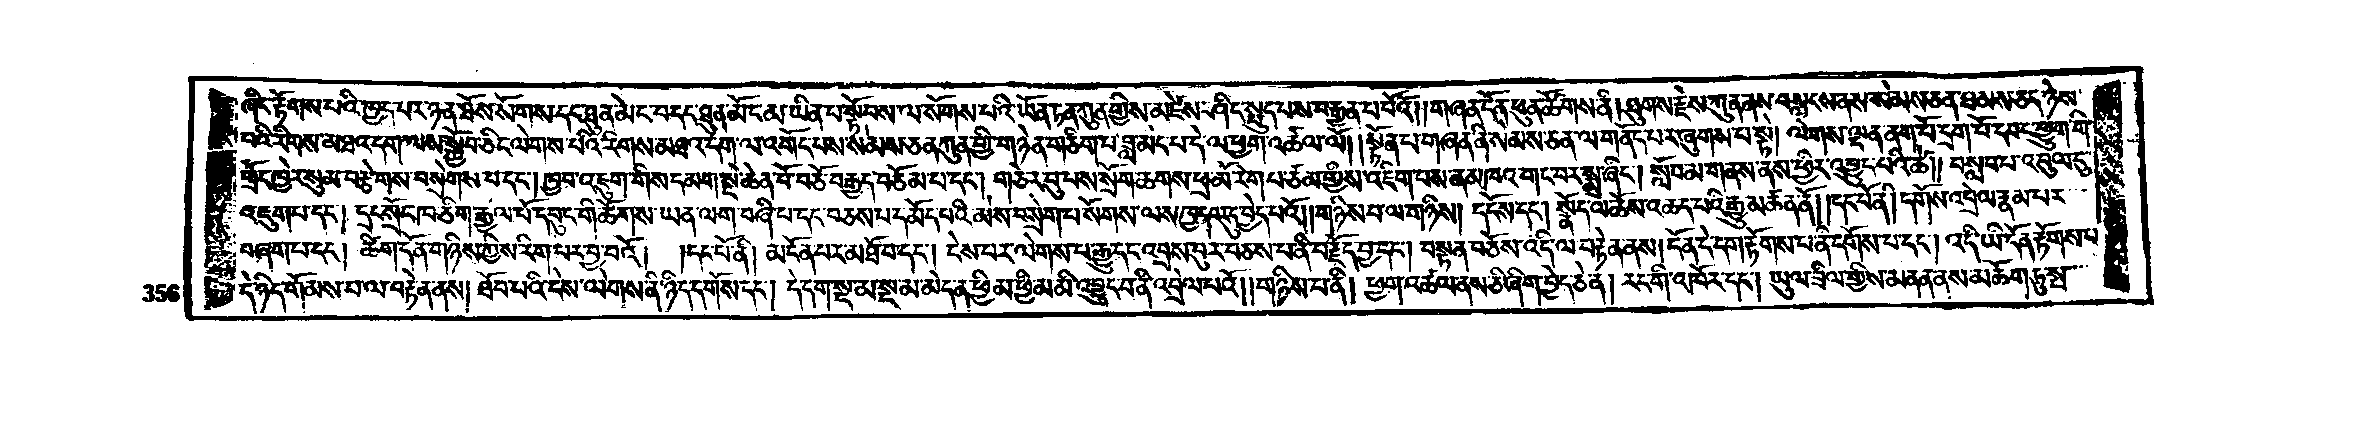ཞིང་རྟོགས་པའི་ཁྱད་པར་ཉན་ཐོས་སོགས་དང་ཐུན་མོང་བ་དང་ཐུན་མོང་མ་ཡིན་པ་སྟོབས་ལ་སོགས་པའི་ཡོན་ཏན་ཀུན་གྱིས་མཛེས་ཤིང་སྤྲུད་པས་བརྒྱན་པ་པོའོ། །གཞན་དོན་ཕུན་ཚོགས་ནི། ཐུགས་རྗེས་ཀུན་ནས་བསླངས་ནས་སེམས་ཅན་ཐམས་ཅད་ཉེས་
བའི་རིགས་མཐའ་དག་ལས་སྐྱོབ་ཅིང་ལེགས་པའི་རིགས་མཐའ་དག་ལ་འགོད་པས་སེམས་ཅན་ཀུན་གྱི་གཉེན་གཅིག་པ་ཟླ་མེད་པ་དེ་ལ་ཕྱག་འཚལ་ལོ། །སྟོན་པ་གཞན་ནི་སེམས་ཅན་ལ་གནོད་པར་ཞུགས་པ་སྟེ། ལེགས་ལྡན་ནག་པོ་དྲག་པོ་དབང་ཕྱུག་གི་
གྲོང་ཁྱེར་སུམ་བརྩེགས་བསྲེགས་པ་དང་། ཁྱབ་འཇུག་གིས་དམག་སྡེ་ཆེན་པོ་བཅོ་བརྒྱད་བཅོམ་པ་དང་། གཅེར་བུ་པས་སྲོག་ཆགས་ཕྲ་མོ་རེག་པ་ཙམ་གྱིས་འཇིག་པས་ནམ་མཁའ་གང་བར་སྨྲ་ཞིང་། སློབ་མ་གནས་ནས་ཕྱིར་འབྱུང་བའི་ཚེ། །བསླབ་པ་འབུལ་དུ་
འཇུག་པ་དང་། དྲང་སྲོང་ཁ་ཅིག་རྒྱལ་པོ་དབུང་གི་ཚོགས་ཡན་ལག་བཞི་པ་དང་བཅས་པད་མོད་པའི་མེས་བསྲེག་པ་སོགས་ལས་ཁྱད་པར་དུ་བྱེད་པའོ། །གཉིས་པ་ལ་གཉིས། དངོས་དང་། སྣོད་ལ་ཆོས་འཆད་པའི་རྒྱུ་མཚན་ནོ། །དང་པོ་ནི། དགོས་འབྲེལ་རྣམ་པར་
བཞག་པ་དང་། ཚིག་དོན་གཉིས་ཀྱིས་རིག་པར་བྱ་བའོ། །དང་པོ་ནི། མངོན་པར་མཐོ་བ་དང་། ངེས་པར་ལེགས་པ་རྒྱུ་དང་འབྲས་བུར་བཅས་པ་ནི་བརྗོད་བྱ་དང་། བསྟན་བཅོས་འདི་ལ་བརྟེན་ནས། དོན་དེ་དག་རྟོགས་པ་ནི་དགོས་པ་དང་། འདི་ཡི་དོན་རྟོགས་པ་
དེ་ཉིད་གོམས་པ་ལ་བརྟེན་ནས། ཐོབ་པའི་ངེས་ལེགས་ནི་ཉིད་དགོས་དང་། དེ་དག་སྔ་མ་སྔ་མ་མེད་ན་ཕྱི་མ་ཕྱི་མ་མི་འབྱུང་བ་ནི་འབྲེལ་པའོ། །གཉིས་པ་ནི། ཕྱག་འཚལ་ནས་ཅི་ཞིག་བྱེད་ཅེ་ན། རང་གི་འཁོར་དང་། ཡུལ་ཟིལ་གྱིས་མནན་ནས་མཆོག་ཏུ་སྤ་